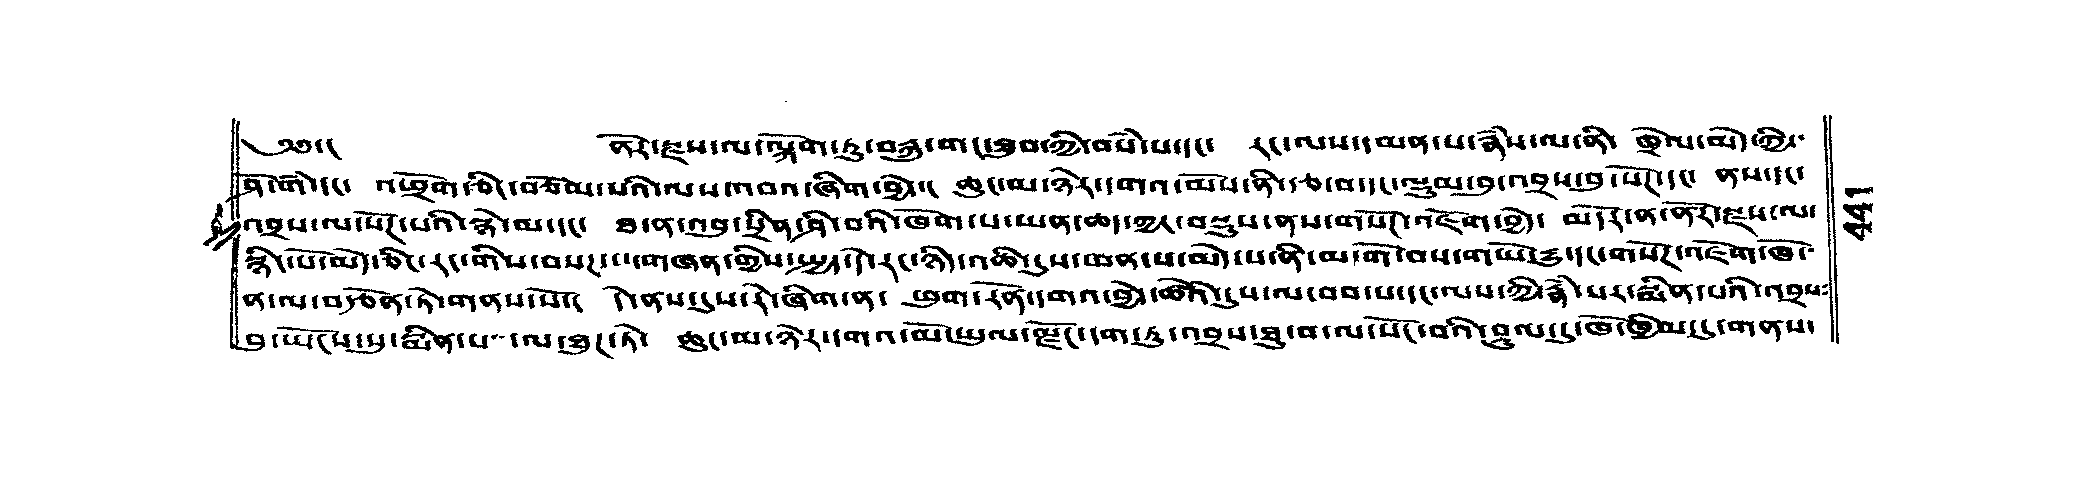ནོར་རྫས་ལ་ལྐོག་ཏུ་བརྐུ་གང་ཐུབ་ཀྱི་བསམ་པ་དང་། རང་ལས་དམན་པ་རྣམས་ལ་ནི། ཁྲེལ་མེད་ཀྱི་
ཤོ་གམ་དང་། འཕྲོག་ཅིང་བཅོམ་པའི་ལས་འབའ་ཞིག་བྱེད། ཆུང་མ་ཉེར་དགའ་མོས་ནི་རྩ་བ་དང་ལྡུམ་བུ་འབྲས་བུ་སོགས་དང་། ནས་དང་
འབྲས་ལ་སོགས་པའི་སྙེ་མ་དང་། ཐ་ན་འབུ་སྲིན་ཤི་བའི་ཁོག་པ་ཡན་ཆད་ཀྱང་བསྡུས་ནས་གསོག་འཇོག་བྱེད། མདོར་ན་ནོར་རྫས་ལ་
སྙིང་པོ་མེད་ཅིང་རང་གིས་བསགས་པ་གཞན་གྱིས་སྤྱད་དེ་རང་ཉིད་འཆི་དུས་ཕན་པ་མེད་པ་ནི་མ་གོ་བས་གཡོ་རྒྱུ་དང་གསོག་འཇོག་ཁོ་
ན་ལ་བརྩོན་ཏེ་གནས་སོ། དེ་ནས་དུས་རེ་ཞིག་ན། ཕུག་རོན་དགའ་བྱེད་ཚེའི་དུས་ལ་བབ་པ་དང་ལས་ཀྱི་རྣམ་པར་སྨིན་པའི་འབྲས་
བུ་ཡོངས་སུ་སྨིན་པ་ལ་ཐུག་སྟེ། ཆུང་མ་ཉེར་དགའ་མོ་ཡུལ་ལྗོངས་དག་ཏུ་འབྲས་ཐུ་བ་ལ་སོང་བའི་ཤུལ་དུ་ཁོ་ཁྱིམ་དུ་གནས་